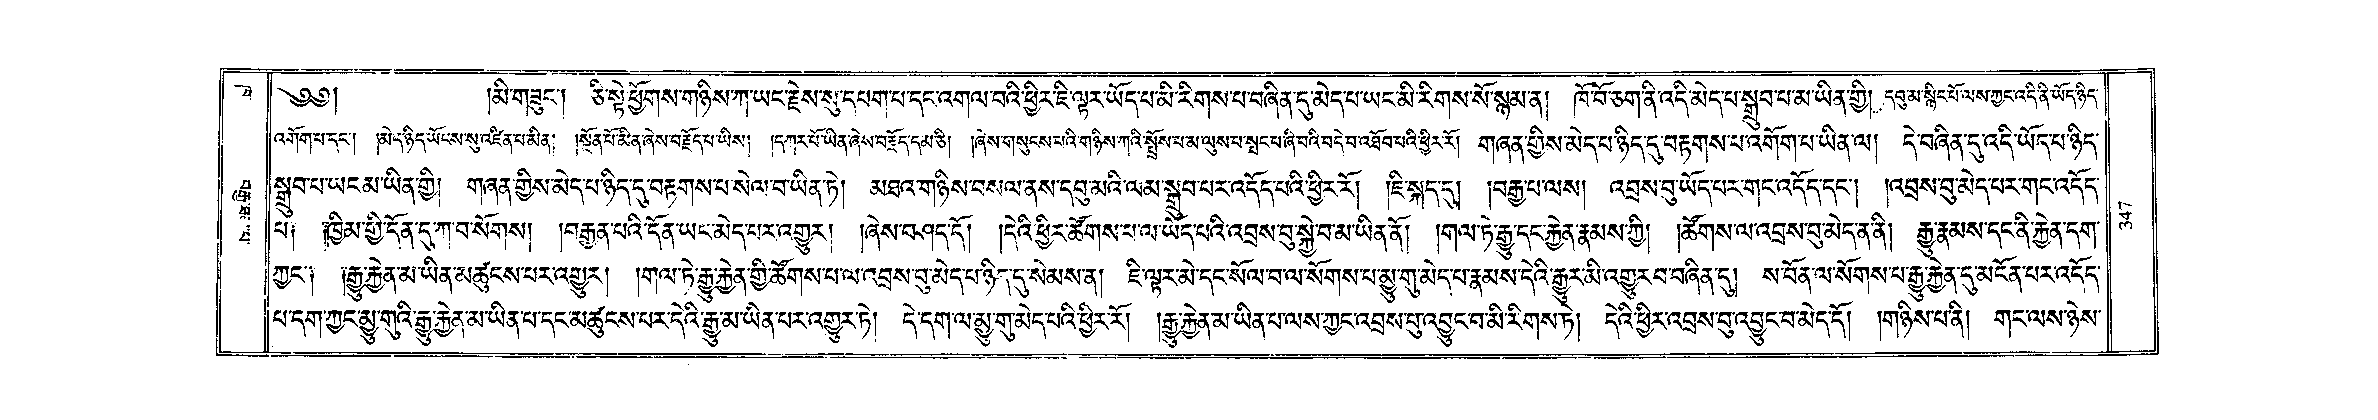༄༅། །མི་གཟུང་། ཅི་སྟེ་ཕྱོགས་གཉིས་ཀ་ཡང་རྗེས་སུ་དཔག་པ་དང་འགལ་བའི་ཕྱིར་ཇི་ལྟར་ཡོད་པ་མི་རིགས་པ་བཞིན་དུ་མེད་པ་ཡང་མི་རིགས་སོ་སྙམ་ན། ཁོ་བོ་ཅག་ནི་འདི་མེད་པ་སྒྲུབ་པ་མ་ཡིན་གྱི། དབུ་མ་སྙིང་པོ་ལས་ཀྱང་འདི་ནི་ཡོད་ཉིད་
འགོག་པ་དང་། །མེད་ཉིད་ཡོངས་སུ་འཛིན་པ་མིན། །སྔོན་པོ་མིན་ཞེས་བརྗོད་པ་ཡིས། །དཀར་པོ་ཡིན་ཞེས་བརྗོད་དམ་ཅི། །ཞེས་གསུངས་པའི་གཉིས་ཀའི་སྤྲོས་པ་མ་ལུས་པ་སྤང་པ་ཞི་བའི་བདེ་བ་འཐོབ་པའི་ཕྱིར་རོ། གཞན་གྱིས་མེད་པ་ཉིད་དུ་བརྟགས་པ་འགོག་པ་ཡིན་ལ། དེ་བཞིན་དུ་འདི་ཡོད་པ་ཉིད་
སྒྲུབ་པ་ཡང་མ་ཡིན་གྱི། གཞན་གྱིས་མེད་པ་ཉིད་དུ་བརྟགས་པ་སེལ་བ་ཡིན་ཏེ། མཐའ་གཉིས་བསལ་ནས་དབུ་མའི་ལམ་སྒྲུབ་པར་འདོད་པའི་ཕྱིར་རོ། །ཇི་སྐད་དུ། །བརྒྱ་པ་ལས། འབྲས་བུ་ཡོད་པར་གང་འདོད་དང་། །འབྲས་བུ་མེད་པར་གང་འདོད་
པ༑ ༑ཁྱིམ་གྱི་དོན་དུ་ཀ་བ་སོགས། །བརྒྱན་པའི་དོན་ཡང་མེད་པར་འགྱུར། །ཞེས་བཤད་དོ། །དེའི་ཕྱིར་ཚོགས་པ་ལ་ཡོད་པའི་འབྲས་བུ་སྐྱེ་བ་མ་ཡིན་ནོ། །གལ་ཏེ་རྒྱུ་དང་རྐྱེན་རྣམས་ཀྱི། །ཚོགས་ལ་འབྲས་བུ་མེད་ན་ནི། རྒྱུ་རྣམས་དང་ནི་རྐྱེན་དག་
ཀྱང༑ ༑རྒྱུ་རྐྱེན་མ་ཡིན་མཚུངས་པར་འགྱུར། །གལ་ཏེ་རྒྱུ་རྐྱེན་གྱི་ཚོགས་པ་ལ་འབྲས་བུ་མེད་པ་ཉིད་དུ་སེམས་ན། ཇི་ལྟར་མེ་དང་སོལ་བ་ལ་སོགས་པ་མྱུ་གུ་མེད་པ་རྣམས་དེའི་རྒྱུར་མི་འགྱུར་བ་བཞིན་དུ། ས་བོན་ལ་སོགས་པ་རྒྱུ་རྐྱེན་དུ་མངོན་པར་འདོད་
པ་དག་ཀྱང་མྱུ་གུའི་རྒྱུ་རྐྱེན་མ་ཡིན་པ་དང་མཚུངས་པར་དེའི་རྒྱུ་མ་ཡིན་པར་འགྱུར་ཏེ། དེ་དག་ལ་མྱུ་གུ་མེད་པའི་ཕྱིར་རོ། །རྒྱུ་རྐྱེན་མ་ཡིན་པ་ལས་ཀྱང་འབྲས་བུ་འབྱུང་བ་མི་རིགས་ཏེ། དེའི་ཕྱིར་འབྲས་བུ་འབྱུང་བ་མེད་དོ། །གཉིས་པ་ནི། གང་ལས་ཉེས་